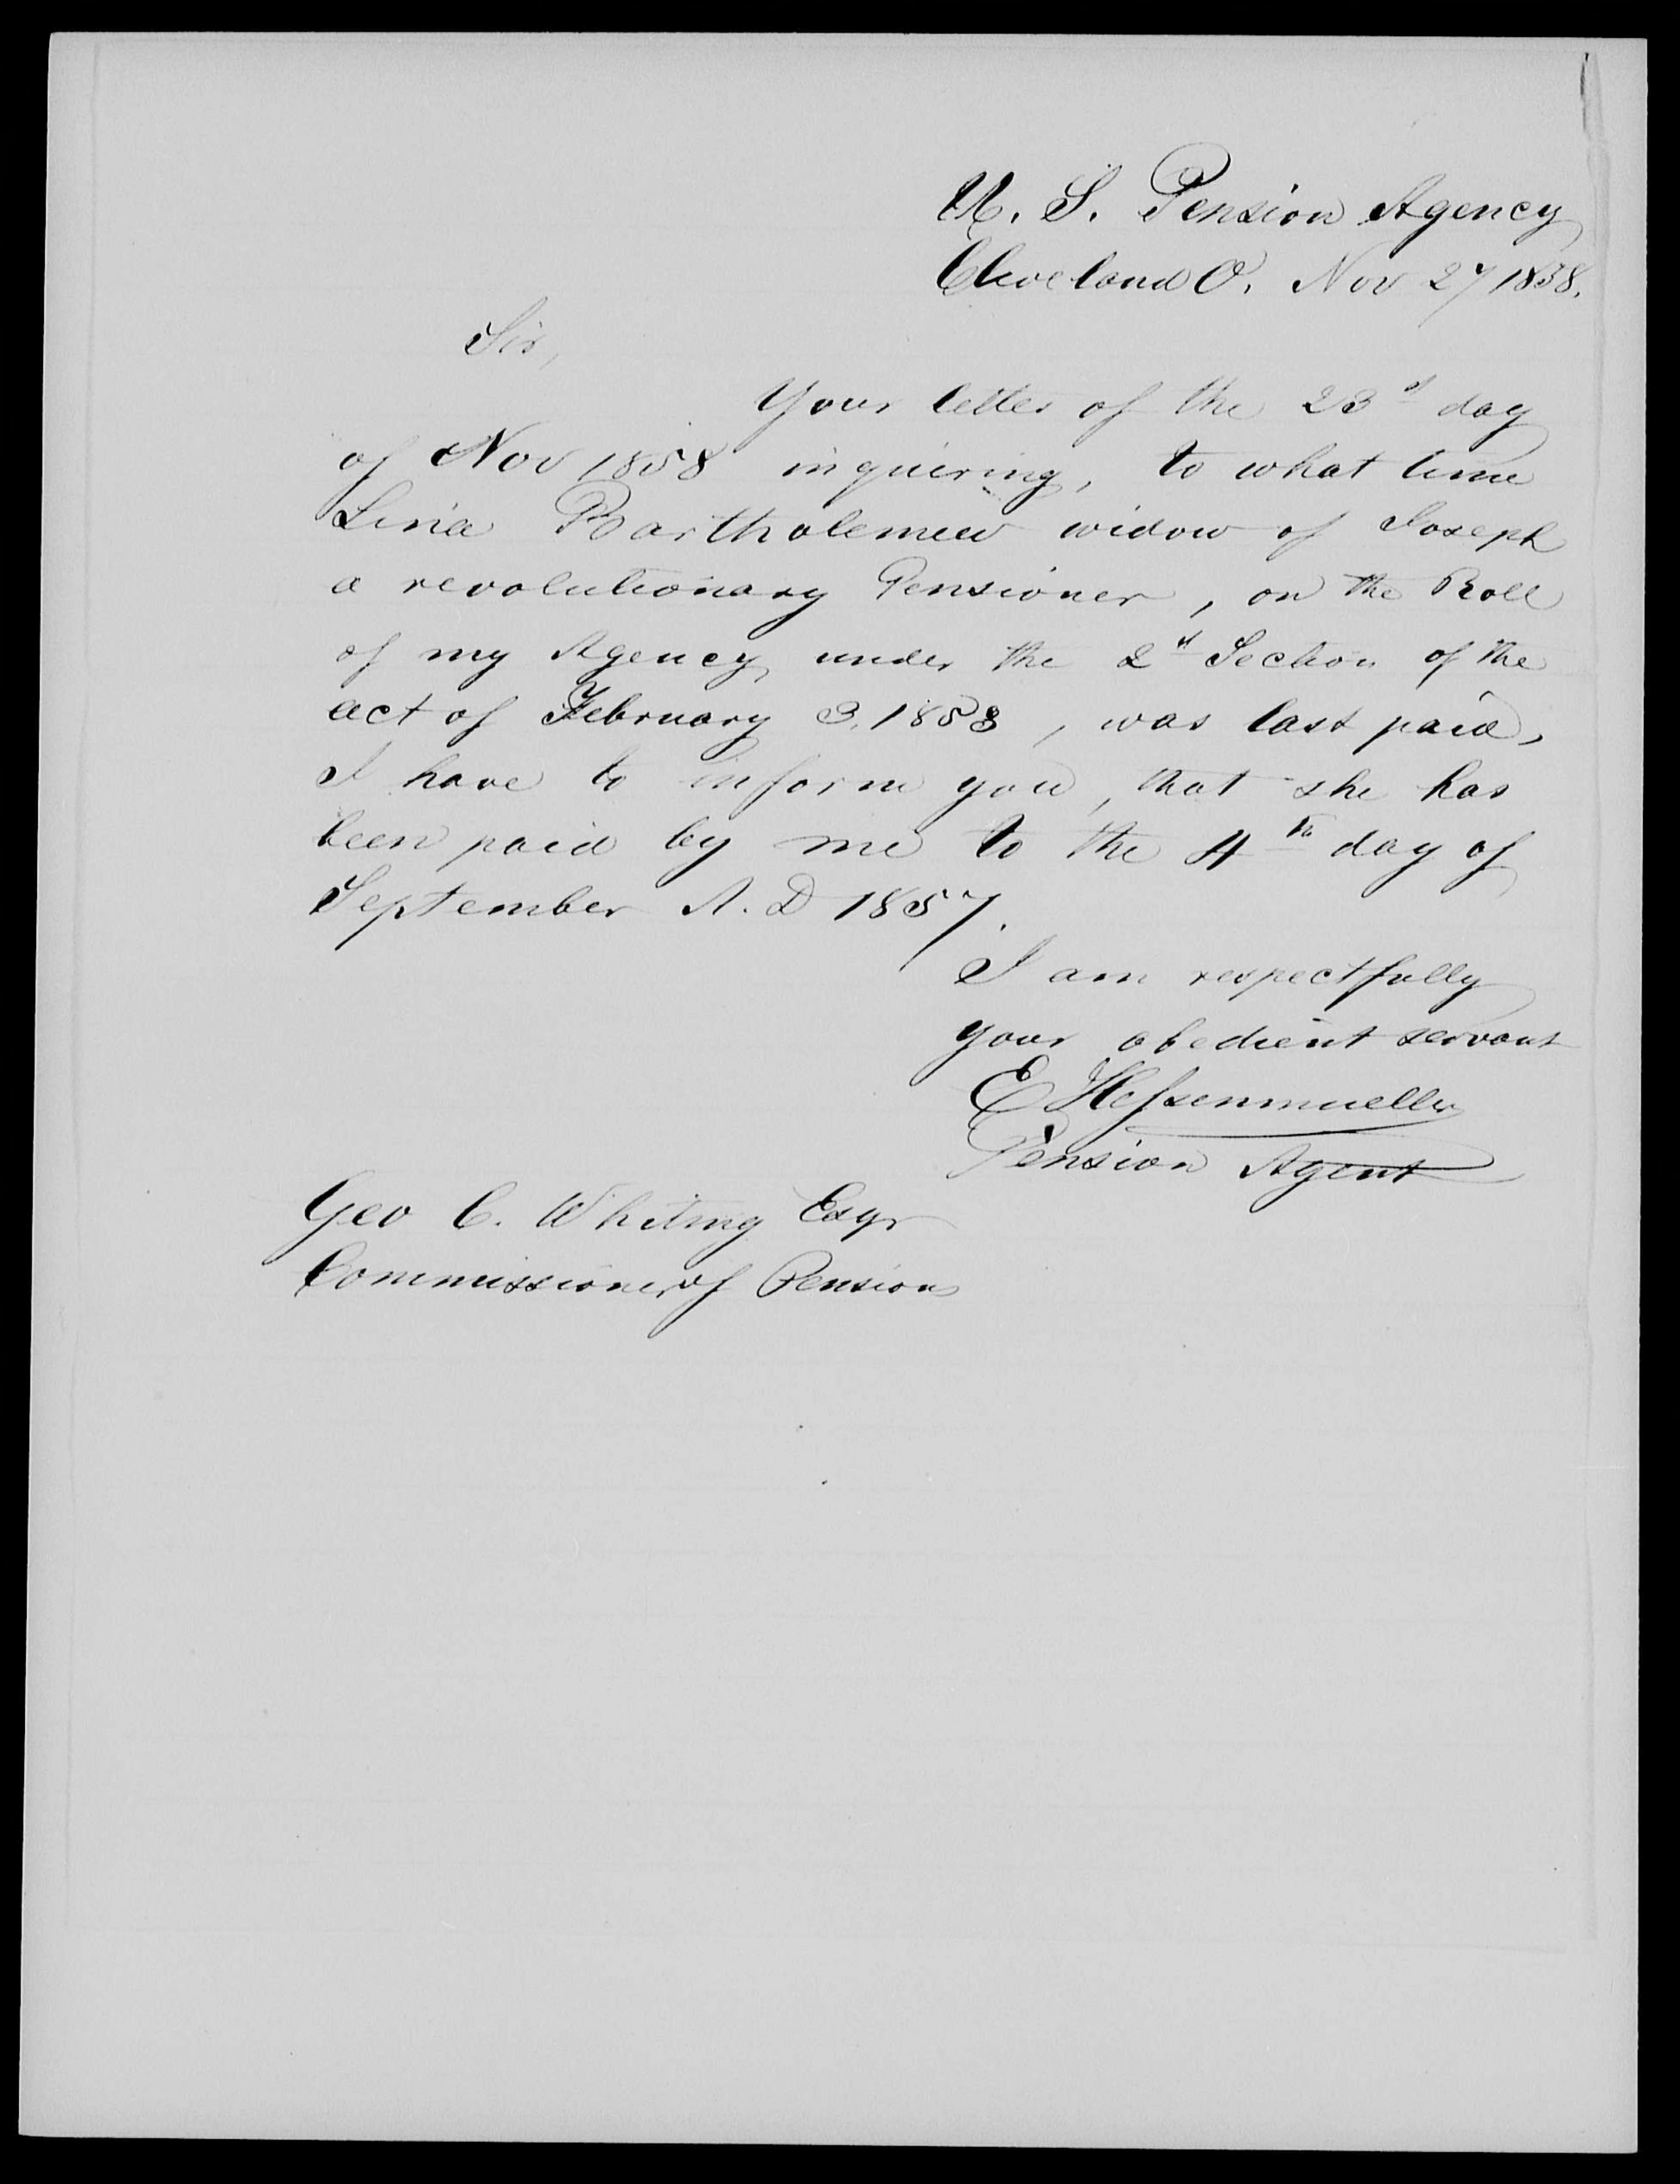U. S. Pension Agency
Cleveland O. Nov 27 1858,
of Noving your letter of the 23d day
Sir
Your letter of the 23d day of November 1858
inquiring, to what time
Lena Bartholemew widow of Joseph
a revolutionary Pensioner, on the Roll
of my Agency under the 2d Section of the
act of February 3, 1853, was last paid,
I have to inform you, that she has
been paid by me to the 4th day of
September A.D. 1857
I am respectfully
your obedient servant
E  Hessenmueller
Pension Agent
Geo C. Whiting Esqr
Commissioner of Pensions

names: Sina Bartholemew, Geo C Whiting, E Hessenmueller, Joseph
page: 42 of 76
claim: widow's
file: W. 9345, Joseph Bartholomew, Conn.